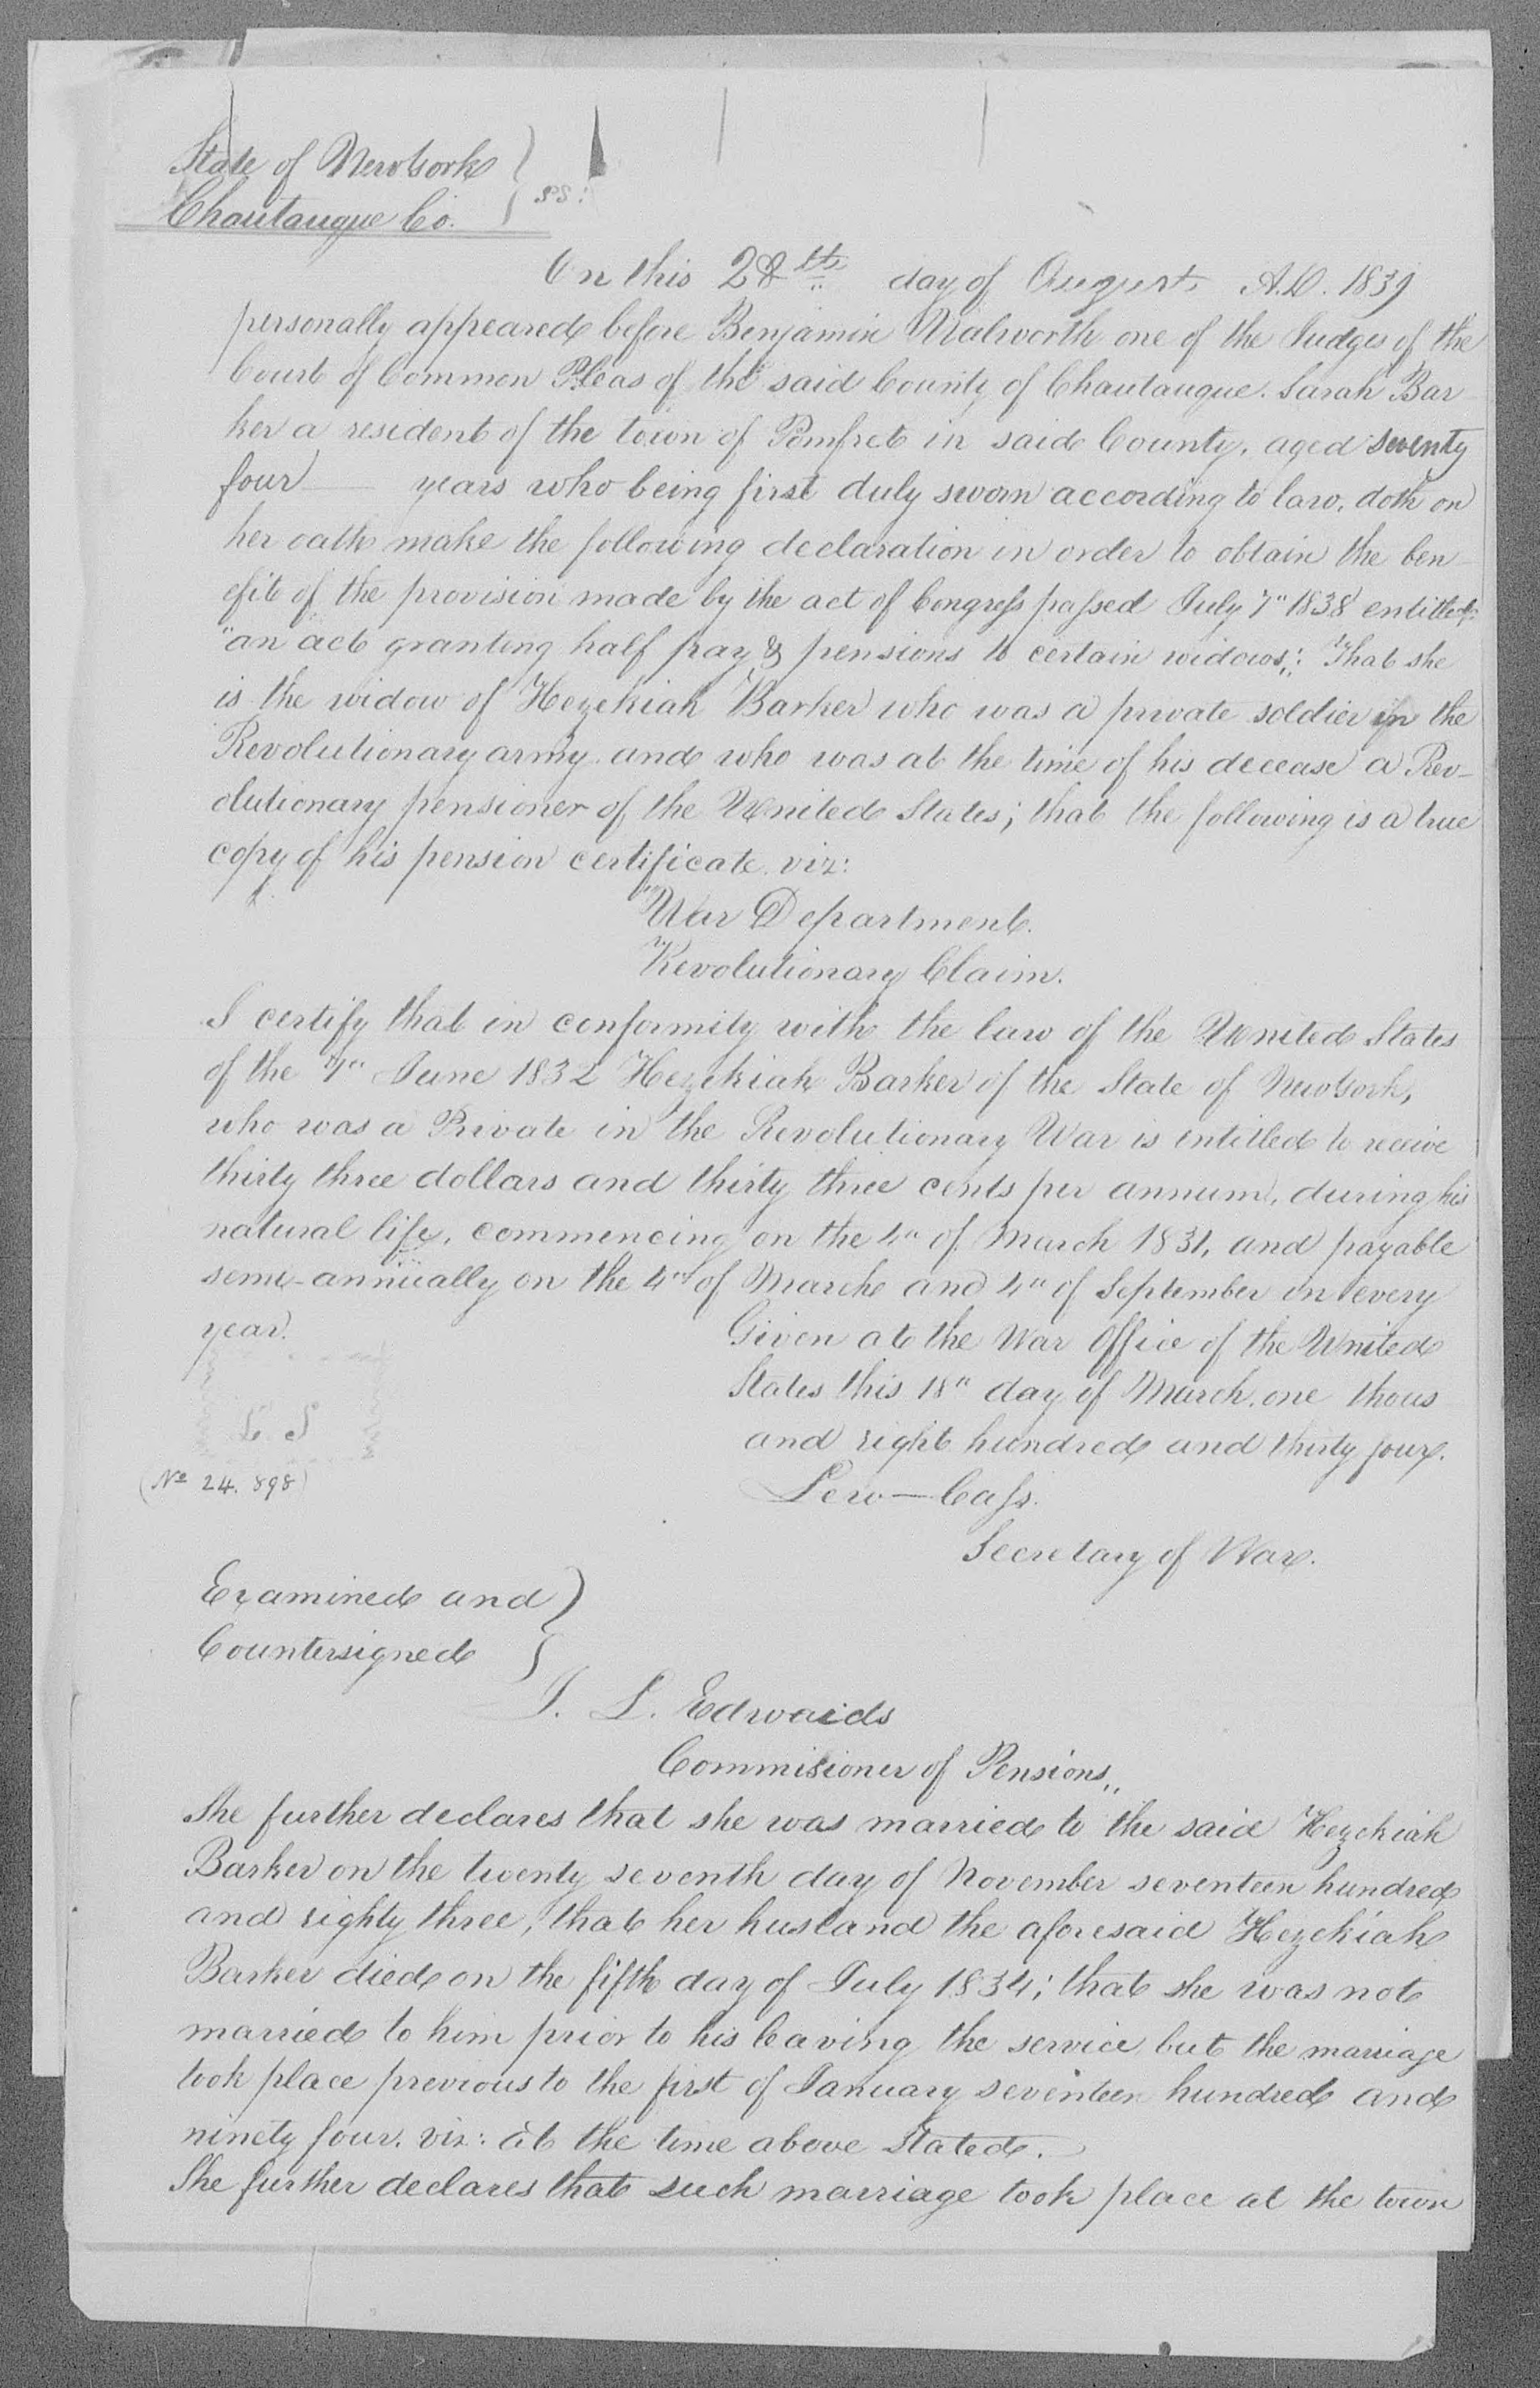State of New York Chautauqua Co. S.S.: On this 28th day of August A.D. 1839 personally appeared before Benjamin Malworth one of the Judges of the Court of Common Pleas of the said County of Chautauque, Sarah Barker a resident of the town of Pomfret in said County, aged seventy four years who being first duly sworn according to law, doth on her oath make the following declaration in order to obtain the benefit of the provision made by the act of Congress passed July 7" 1838 entitled "an act granting half pay & pensions to certain widows; That she is the widow of Hezekiah Barker who was a private soldier in the Revolutionary army and who was at the time of his decease a Revolutionary pensioner of the United States; that the following is a true copy of his pension certificate viz: War Department. Revolutionary Claim. I certify that in conformity with the law of the United States of the 7" June 1832 Hezekiah Barker of the State of New York, who was a Private in the Revolutionary War is entitled to receive thirty three dollars and thirty three cents per annum, during his natural life, commencing on the 4" of March 1831, and payable semi-annually on the 4" of March and 4" of September in every year. Given at the War Office of the United States this 18th day of March, one thousand eight hundred and thirty four. Leu Cass Secretary of War. (No. 24. 898) Examined and Countersigned J.L. Edwards Commissioner of Pensions. She further declares that she was married to the said Hezekiah Barker on the twenty seventh day of November seventeen hundred and eighty three, that he husband the aforesaid Hezekiah Barker died on the fifth day of July 1834; that she was not married to him prior to his leaving the service but the marriage took place previous to the first of January seventeen hundred and ninety four. viz: at the time above state. She further declares that such marriage took place at the town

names: Hezekiah Barker, Sarah Barker, J L Edwards, Hezekiah Barker, Hezekiah Barker, Hezekiah Barker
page: 8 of 52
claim: widow's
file: W. 18,565, Hezekiah Barker, Continental R.I.